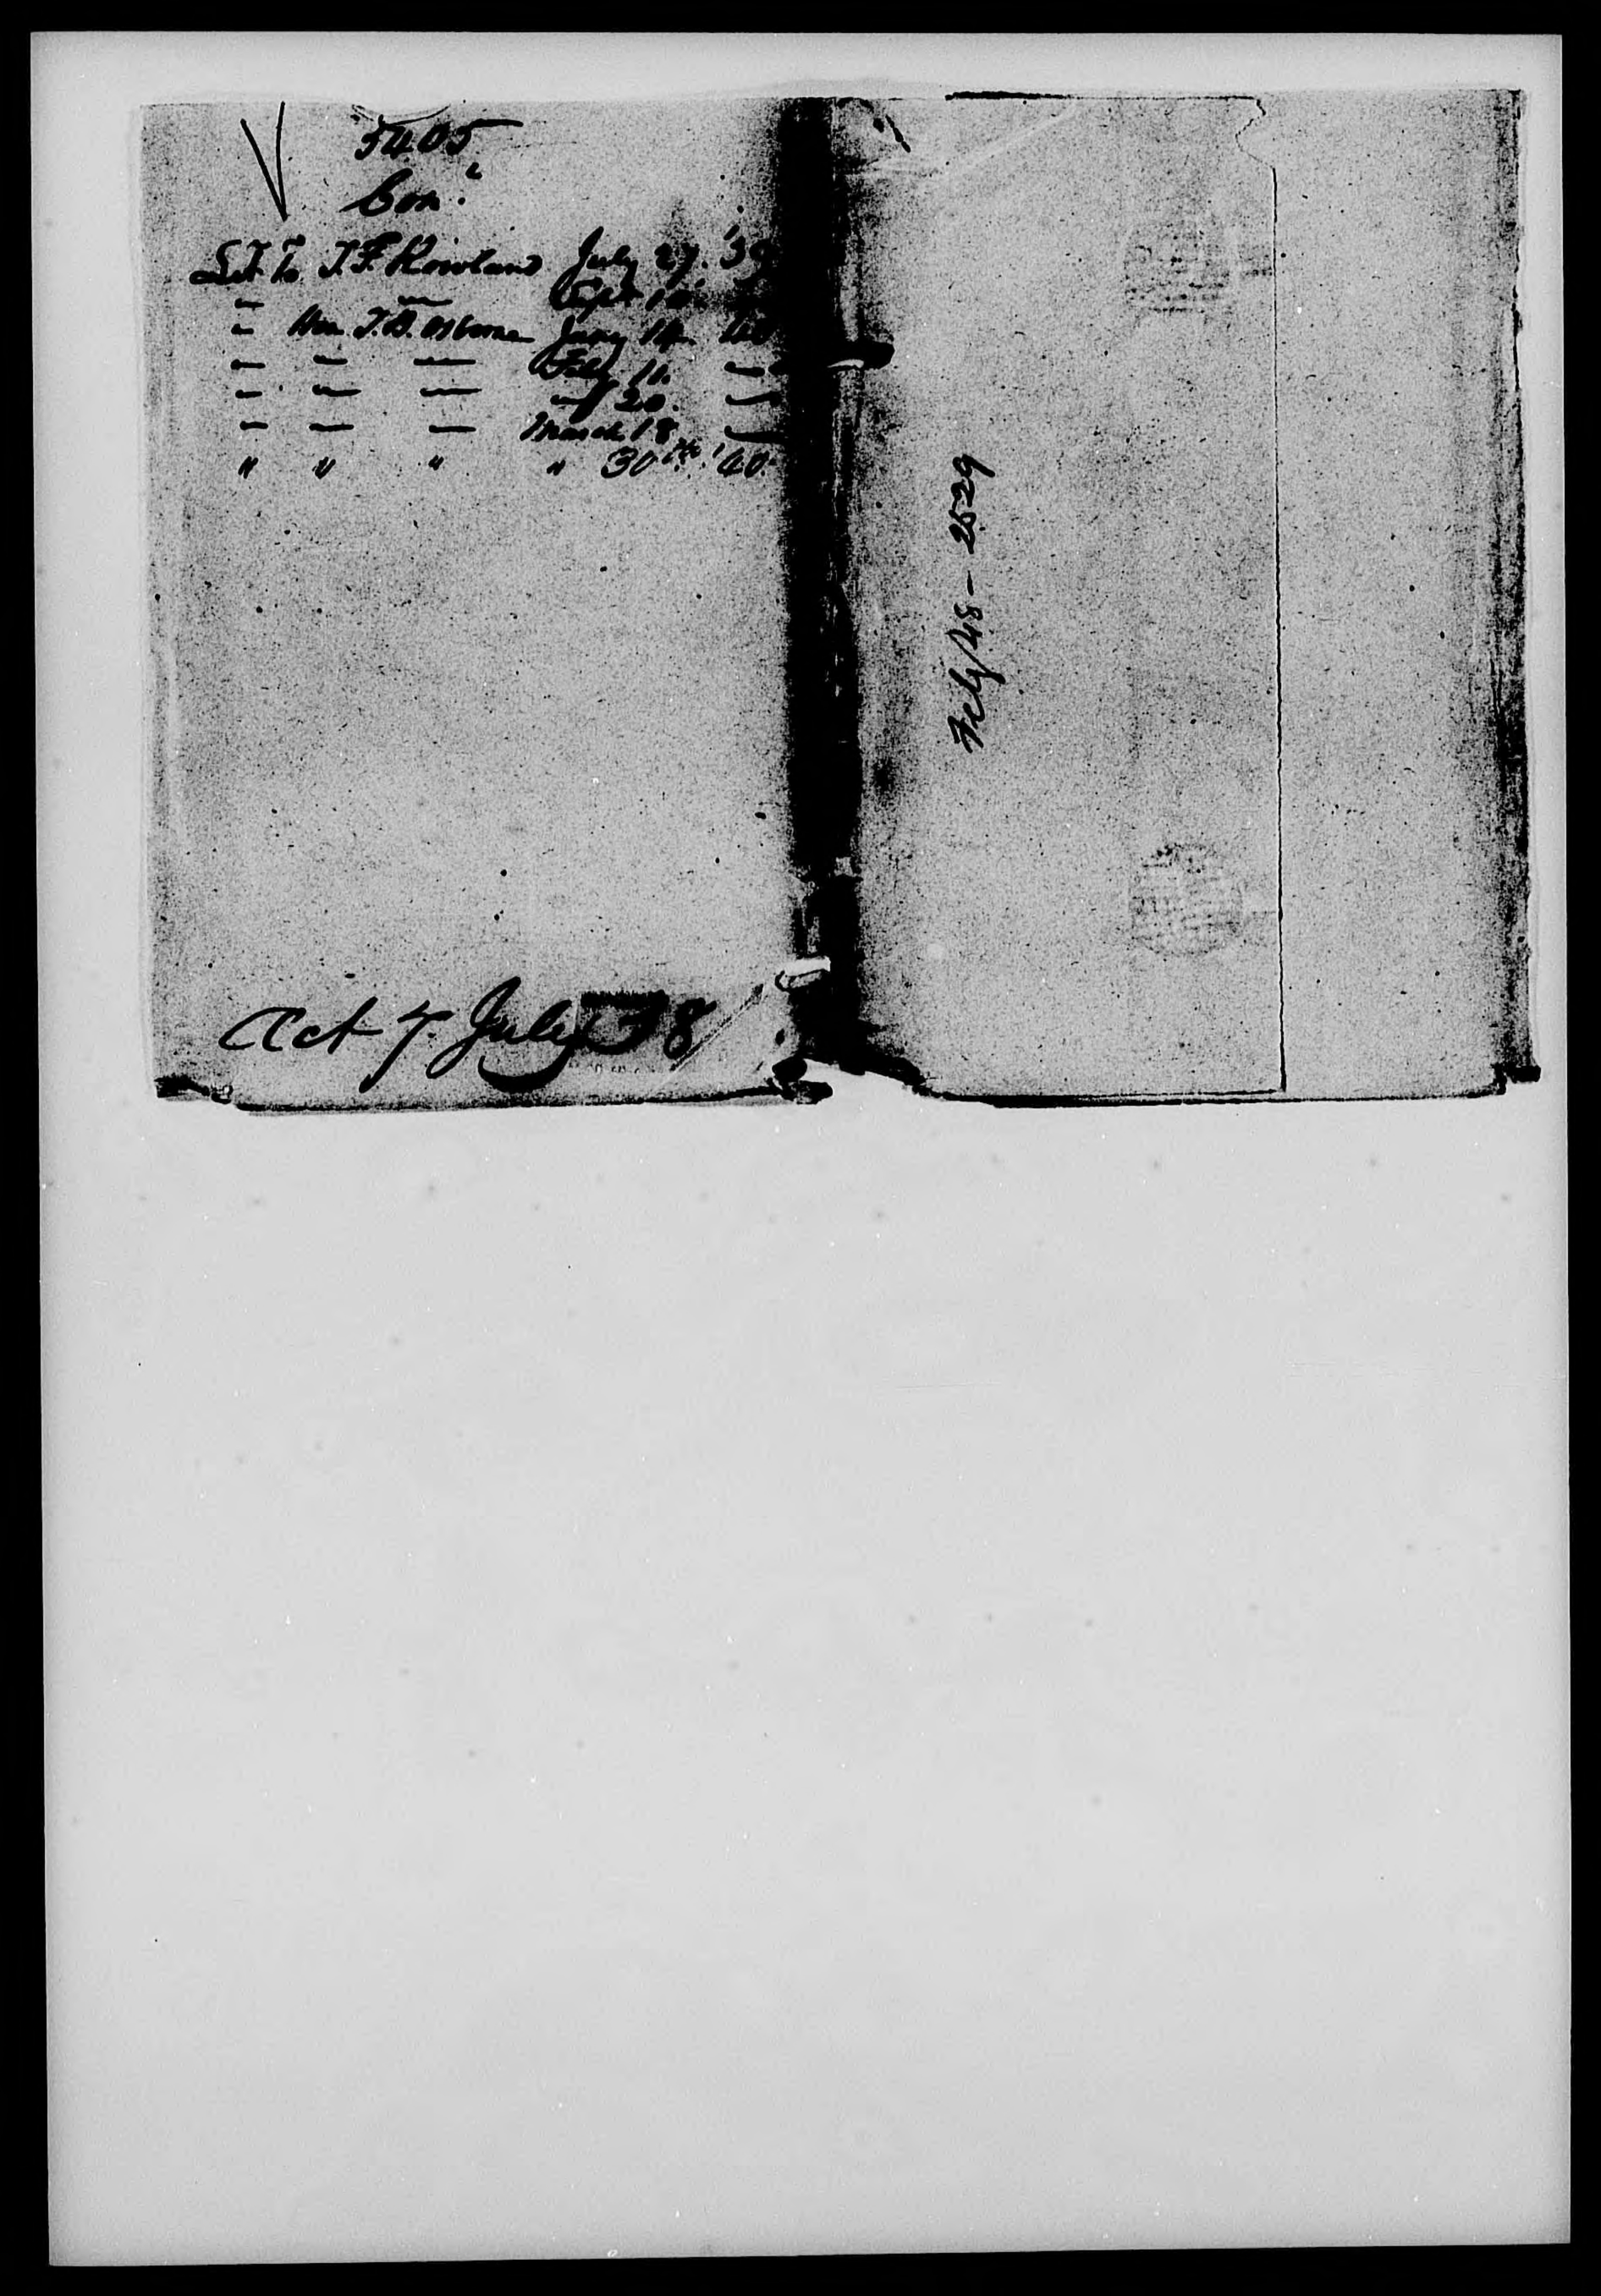[left page]
5405
B[]?

L.I.T. L. F. Rowland | July 27. '39
- - | Sept 10, []
- Hon T. B. Osborn | July 14, []
- - - | July 11 -
- - - | [] 20. -
- - - | [] 18 -
" " " | " 30th '40

Act of July 38

[Right page]
[] 48-2529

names: T F Rowland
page: 10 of 69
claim: widow's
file: W. 25562, Abijah Elwood, Conn.